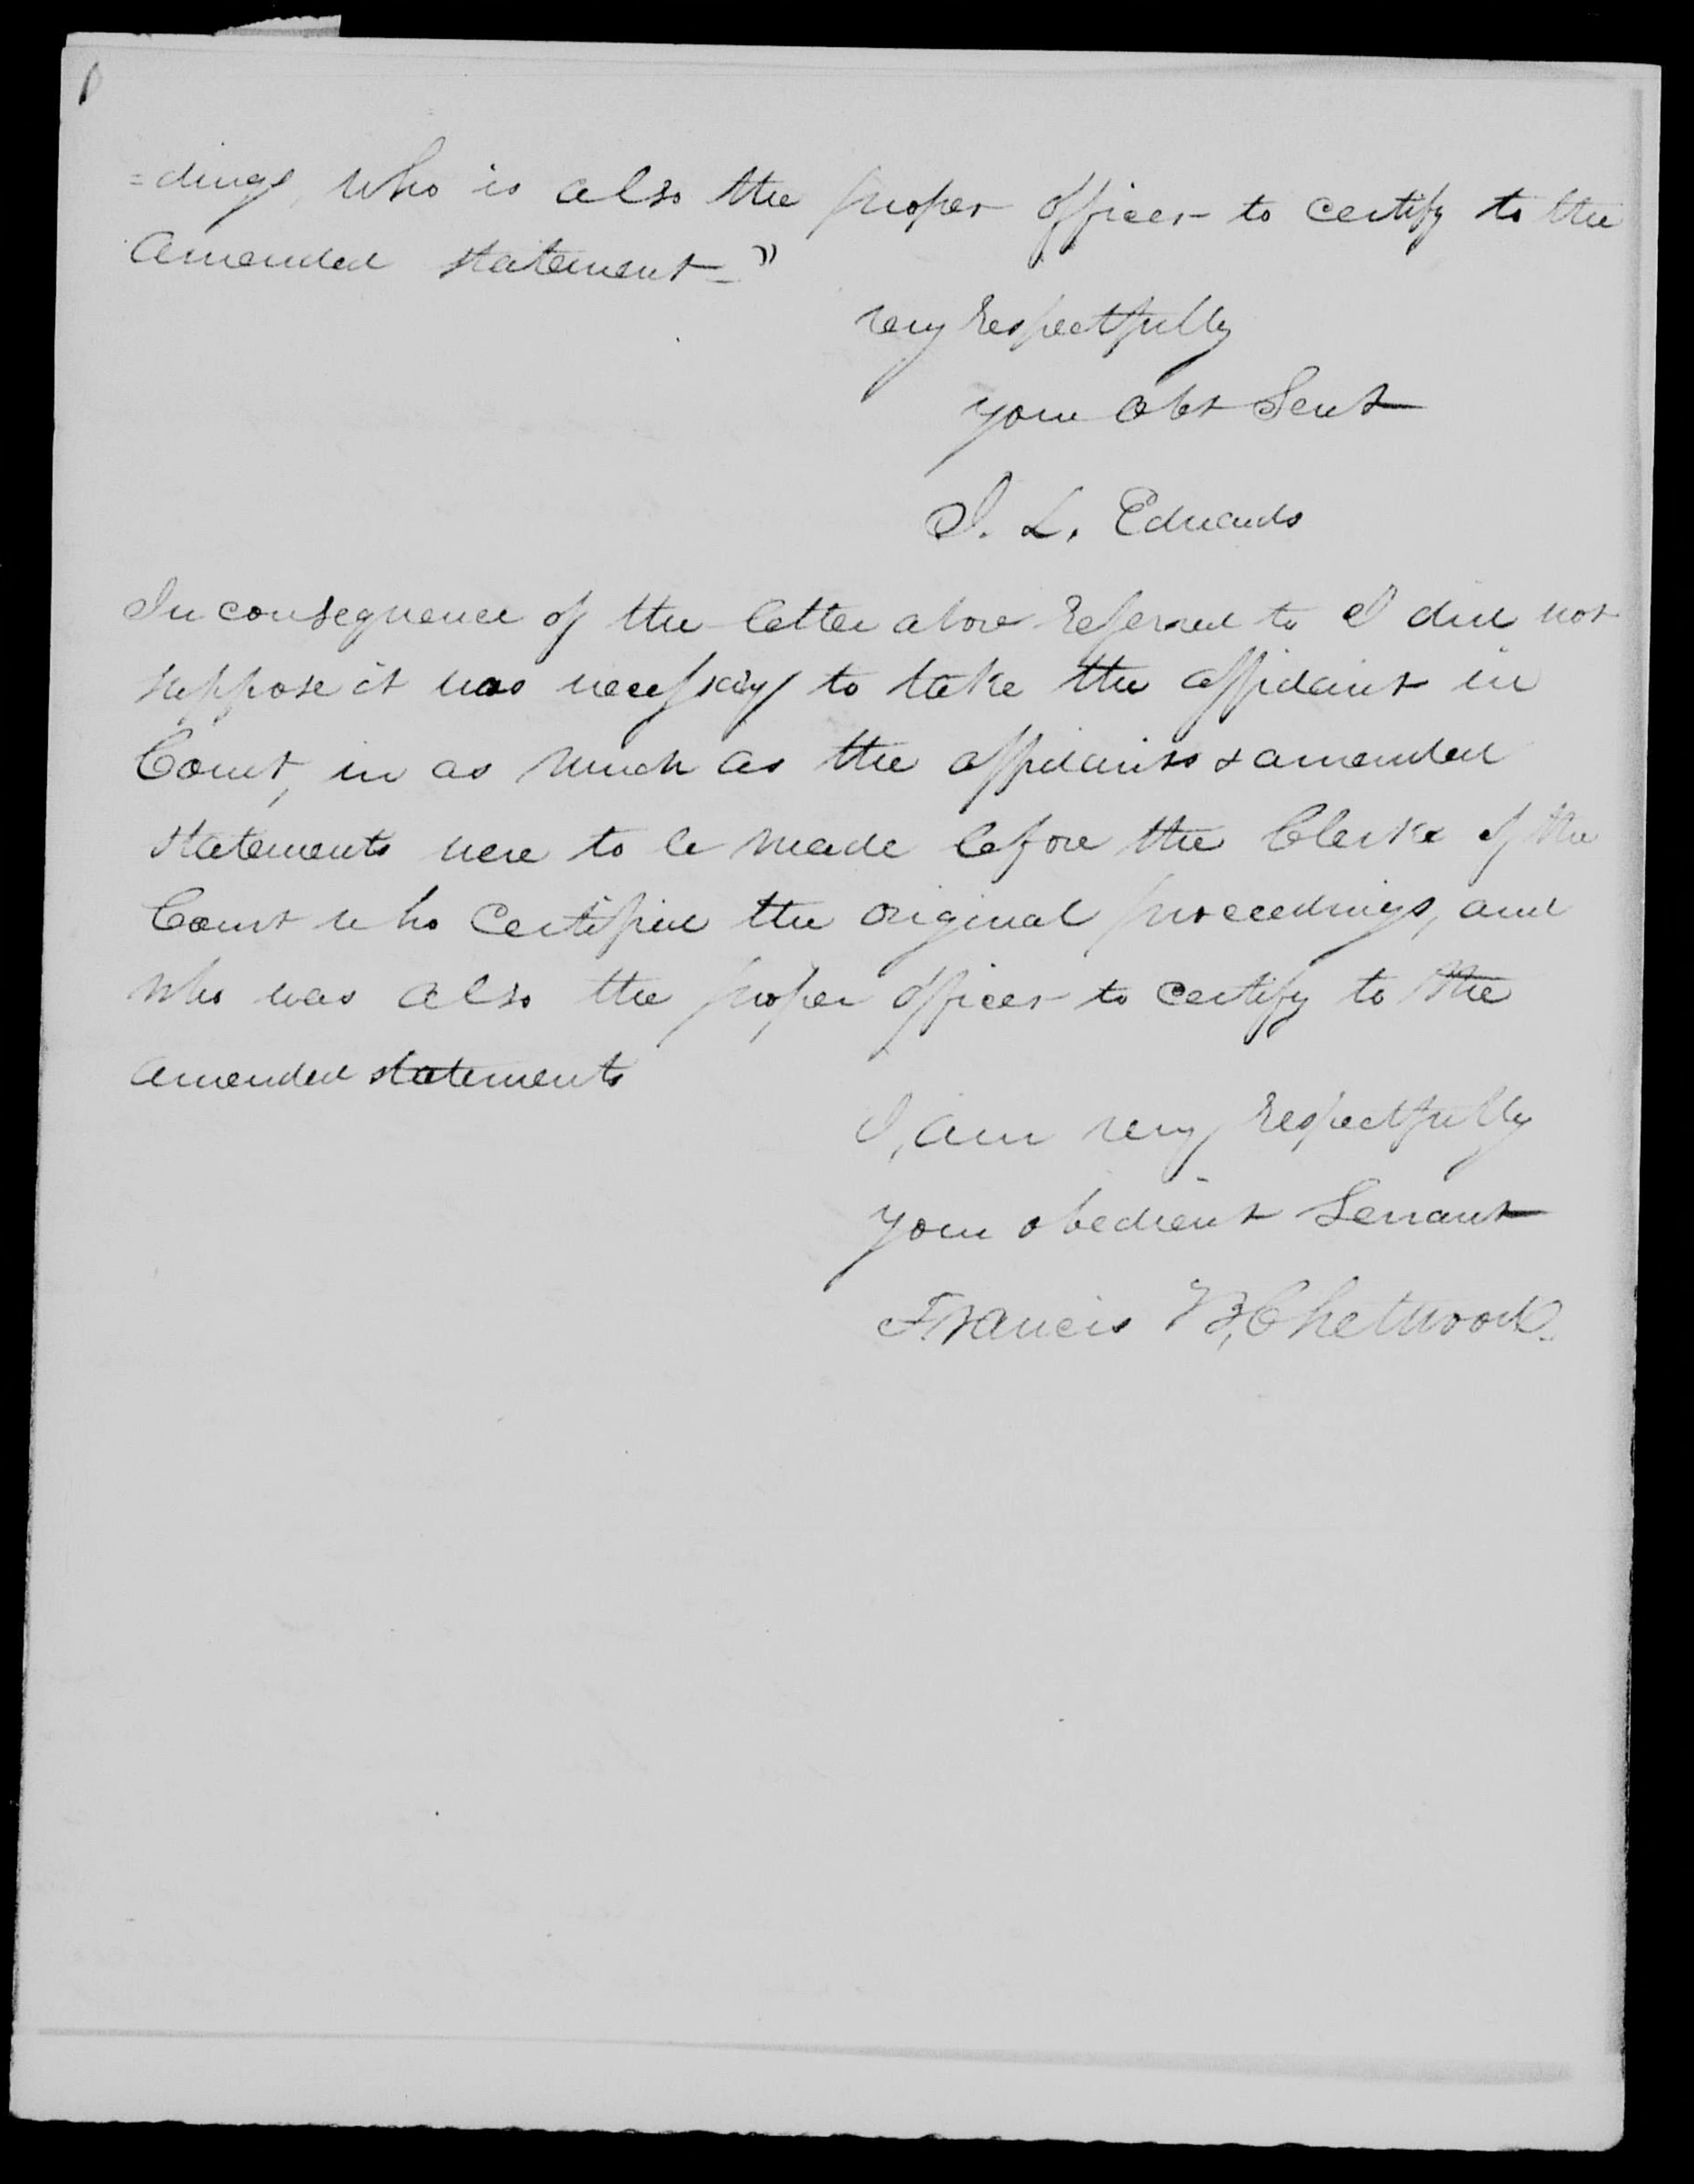[dings] who is also the proper officer to certify to the
Amended statement"
very respectfully
your Obt Sert
s/ J. L. Edwards

In consequence of the letter above referred to I did not
suppose it was necessary to take the affidavit in
Court in as much as the affidavits & amended
statements were to be made before the Clerk of the
Court who certified the original proceedings and
who was also the proper officer to certify to the
Amended statements
I am very respectfully
your obedient Servant
s/ Francis R. Chetwood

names: J L Edwards, Francis B Chetwood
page: 21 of 28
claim: survivor's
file: S 2464, John Conklin, New Jersey